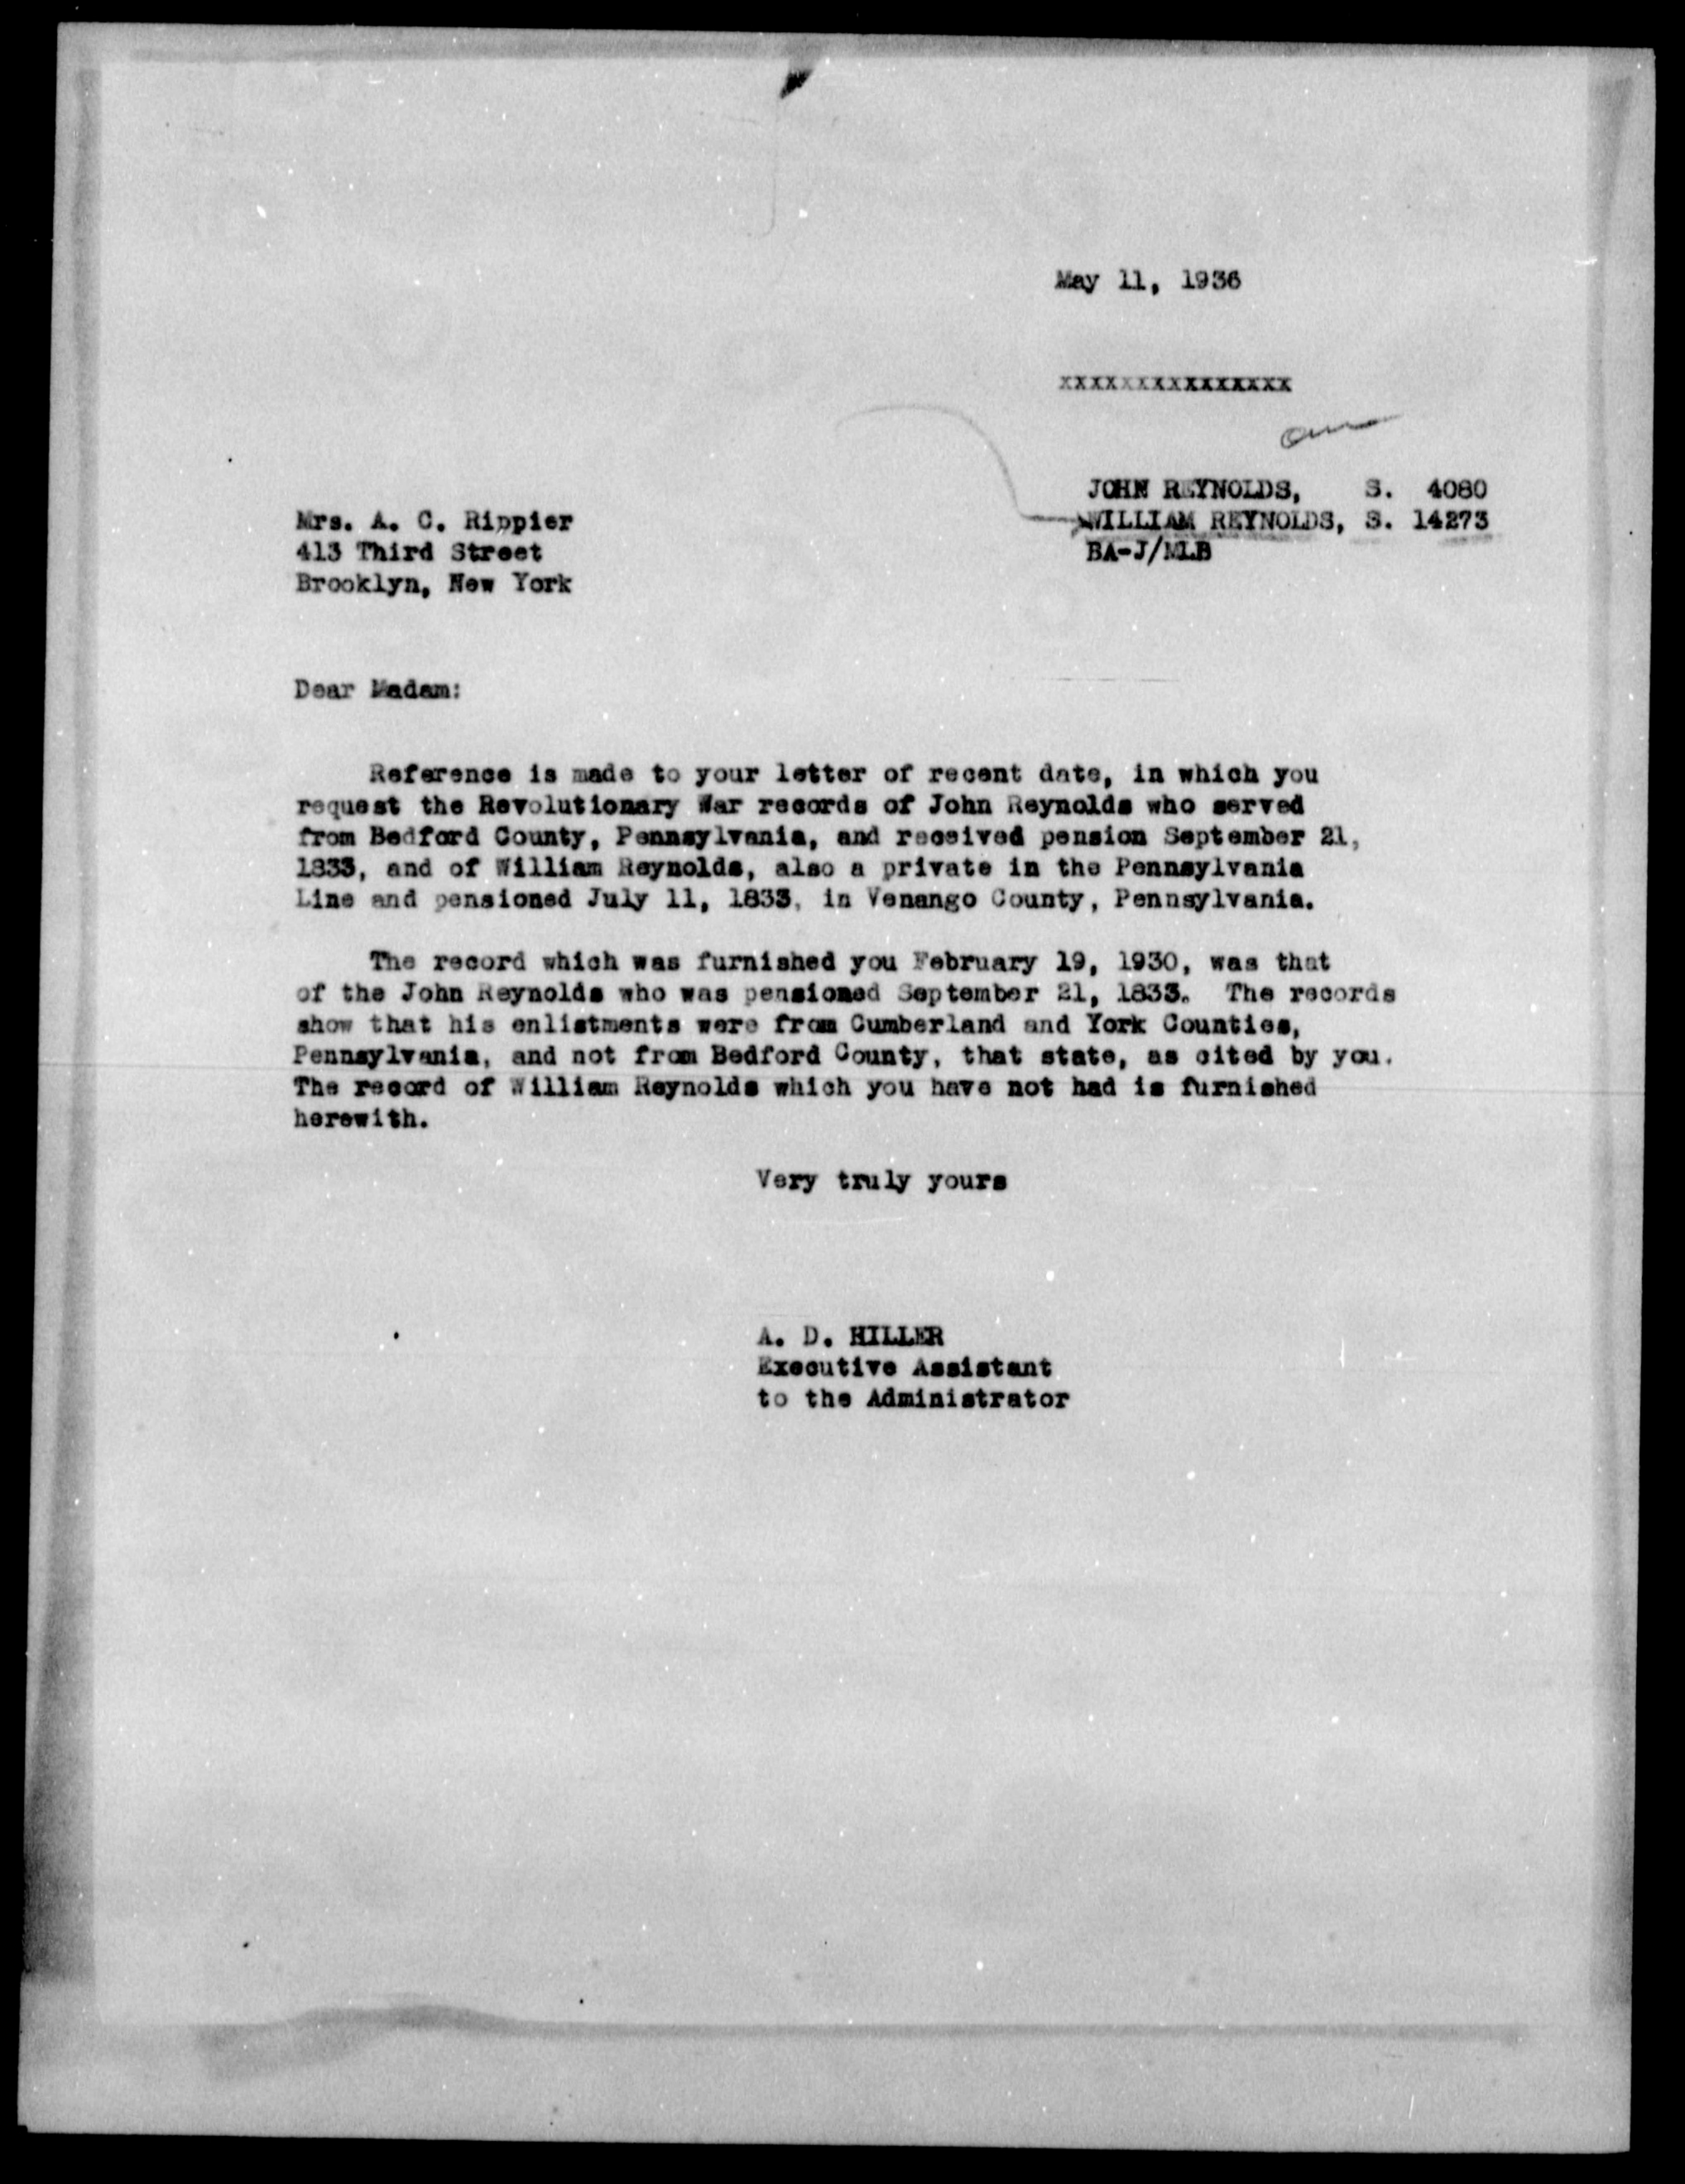May 11, 1936
XXXXXXXXXXXXXXX

Mrs. A. C. Rippier
413 Third Street
Brooklyn, New York


JOHN REYNOLDS,
S. 4060
WILLIAM REYNOLDS, S. 14273
BA-J/ MLB

Dear Madam:
Reference is made to your letter of recent date, in which you
request the Revolutionary War records of John Reynolds who served
from Bedford County, Pennsylvania, and received pension September 21,
1833, and of William Reynolds, also a private in the Pennsylvania
Line and pensioned July 11, 1833, in Venango County, Pennsylvania.
The record which was furnished you February 19, 1930, was that
of the John Reynolds who was pensioned September 21, 1833. The records
show that his enlistments were from Cumberland and York Counties,
Pennsylvania, and not from Bedford County, that state, as cited by you.
The record of William Reynolds which you have not had is furnished
herewith.
Very truly yours
A. D. HILLER
Executive Assistant
to the Administrator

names: A D Hiller; John Reynolds; William Reynolds; John Reynolds; William Reynolds; A C Rippier; John Reynolds; William Reynolds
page: 11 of 19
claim: survivor's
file: S. 14,273, for William Reynolds, Pennsylvania